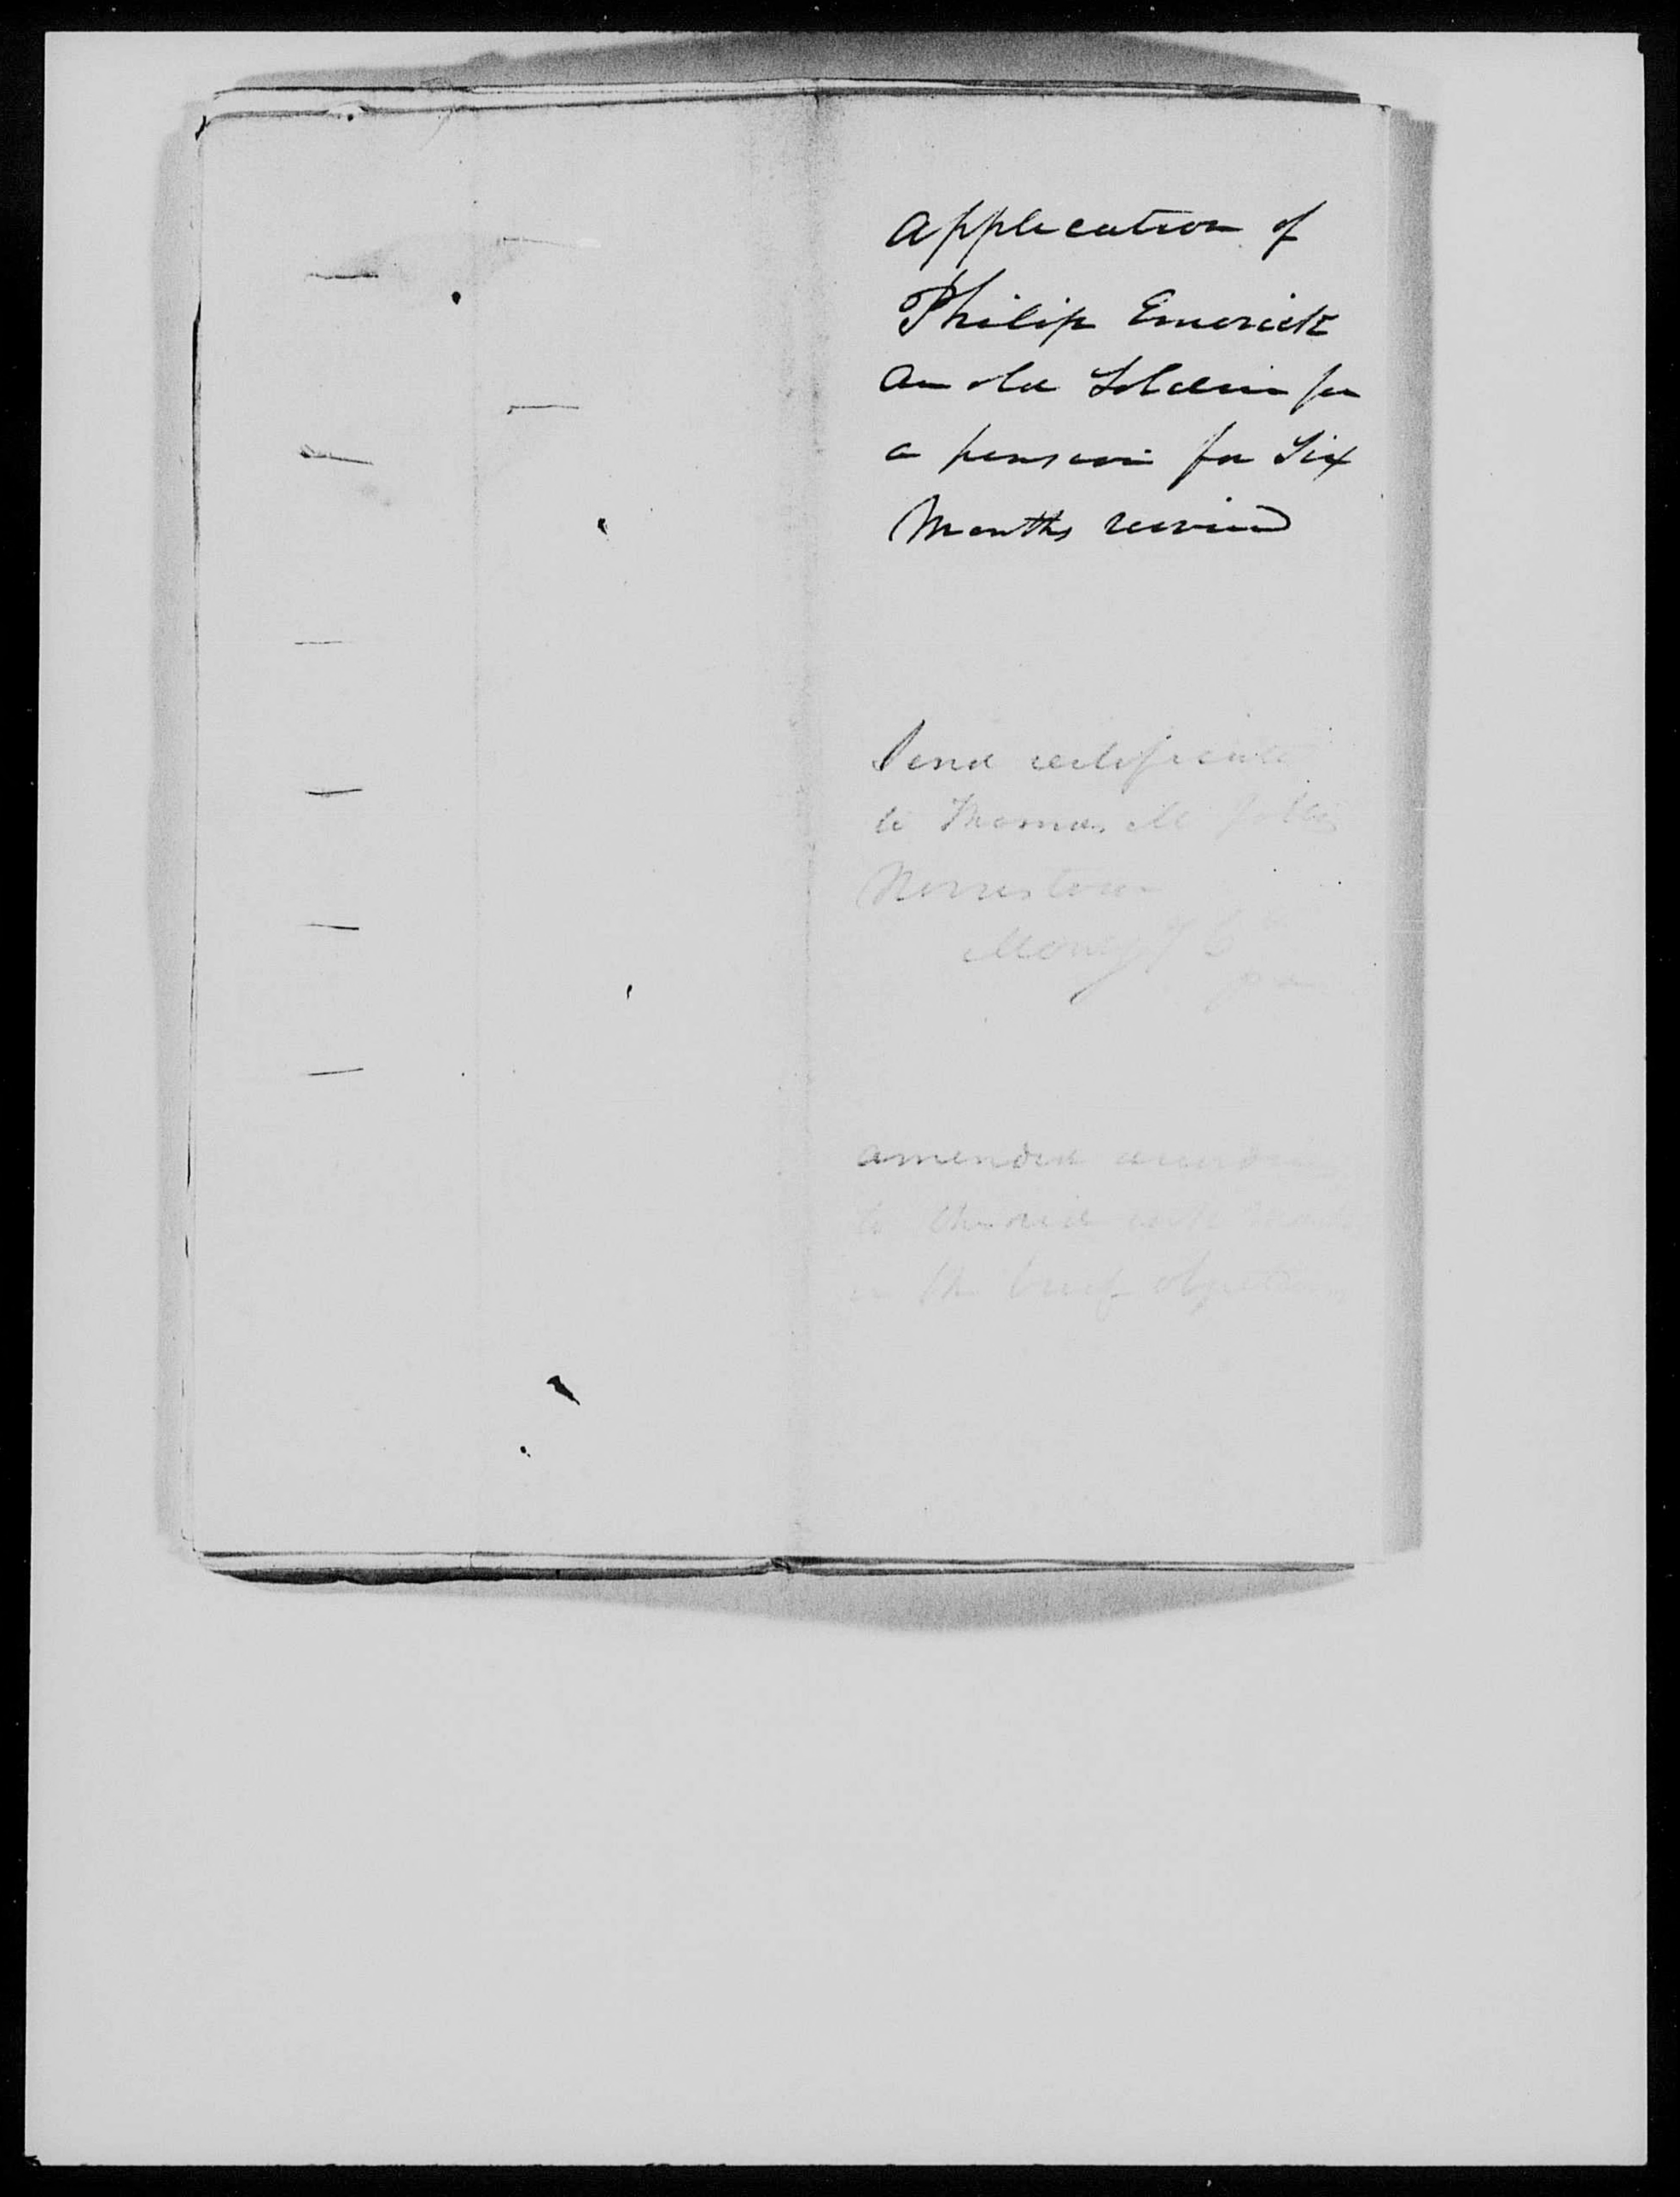application of 
Philip Emerick
an old soldier for
a pension for six
months service

Send certificate 
to Thomas [illegible]
Norristown
Montg[illegible]

[illegible]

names: Philip Emerick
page: 3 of 29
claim: survivor's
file: S. 23618, Philip Emerick, Penn.